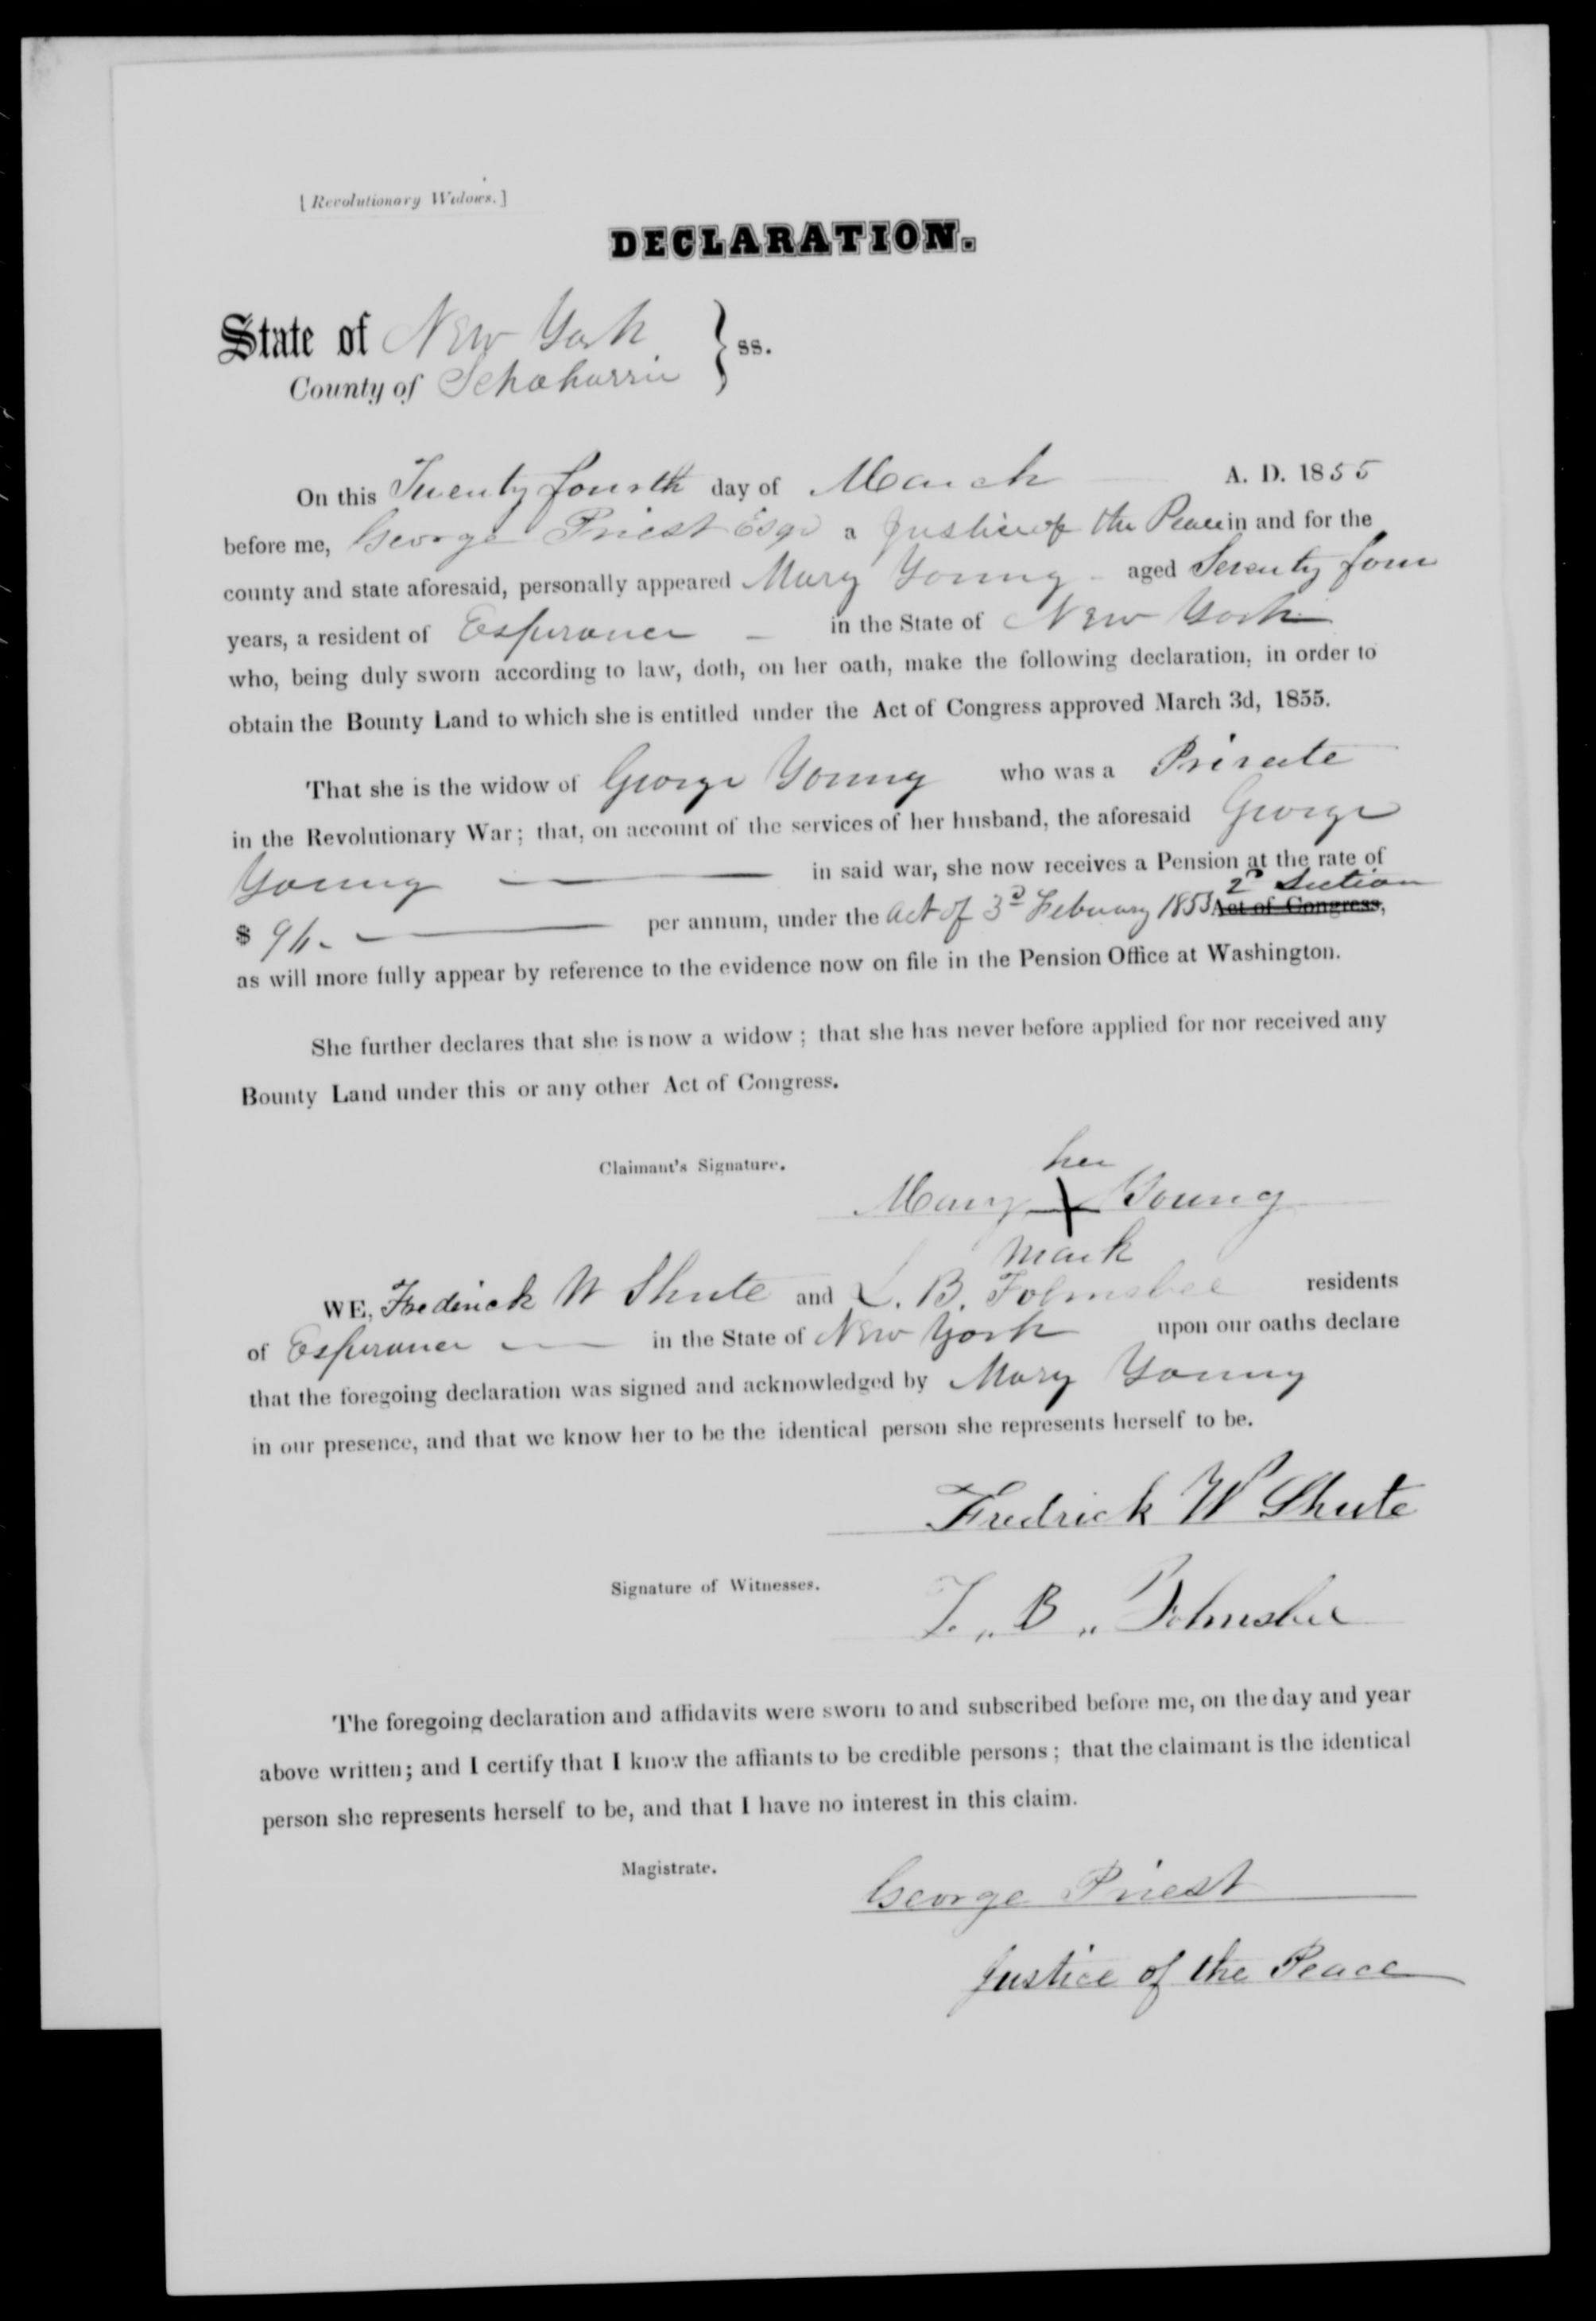Revolutionary Widows.]
DECLARATION.
State of New York
County of Schoharie
On this Twenty fourth day of March
A. D. 1855
before me George Priest Esqr a Justice of the Peace in and for the
county and State aforesaid, personally appeared Mary Young
years, a resident of Esperance --
Seventy four
in the State of New York
who, being duly sworn according to law, doth, on her oath, make the following declaration, in order to
obtain the Bounty Land to which she is entitled under the Act of Congress approved March 3d, 1855.
That she is the widow of George Young, who was a Private
in the Revolutionary War; that, on account of the services of her husband, the aforesaid George
Youngin
said war, she now receives a pension at the rate of
94--
per annum, under the Act of 3d February 1853
as will more fully appear by reference to the evidence now on file in the Pension Office at Washington.
She further declares that she is now a widow; that she has never before applied for nor received any
Bounty Land under this or any other Act of Congress,
Claimant's Signature.
Magistrate.
her
Mary Young
mark[in lieu of signature]
, Frederick W Shute and L. B. Folsbel residents
of Esperance in the State of New York
upon our oaths declare
that the foregoing declaration was signed and acknowledged by Mary Young
in our presence, and that we know her to be the identical person she represents herself to be.
Fredrick W Shute
Signature of Witnesses.
T. B. Johnsher
The foregoing declaration and affidavits were sworn to and subscribed before me, on the day and year
above written; and I certify that I know the affiants to be credible persons; that the claimant is the identical
person she represents herself to be, and that I have no interest in this claim.
George Priest
Justice of the Peace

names: Frederick W Shute, George Priest, George Young, L B Folmsbee, Mary Young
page: 12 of 67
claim: widow's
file: W. 7379, George Young, New Jersey